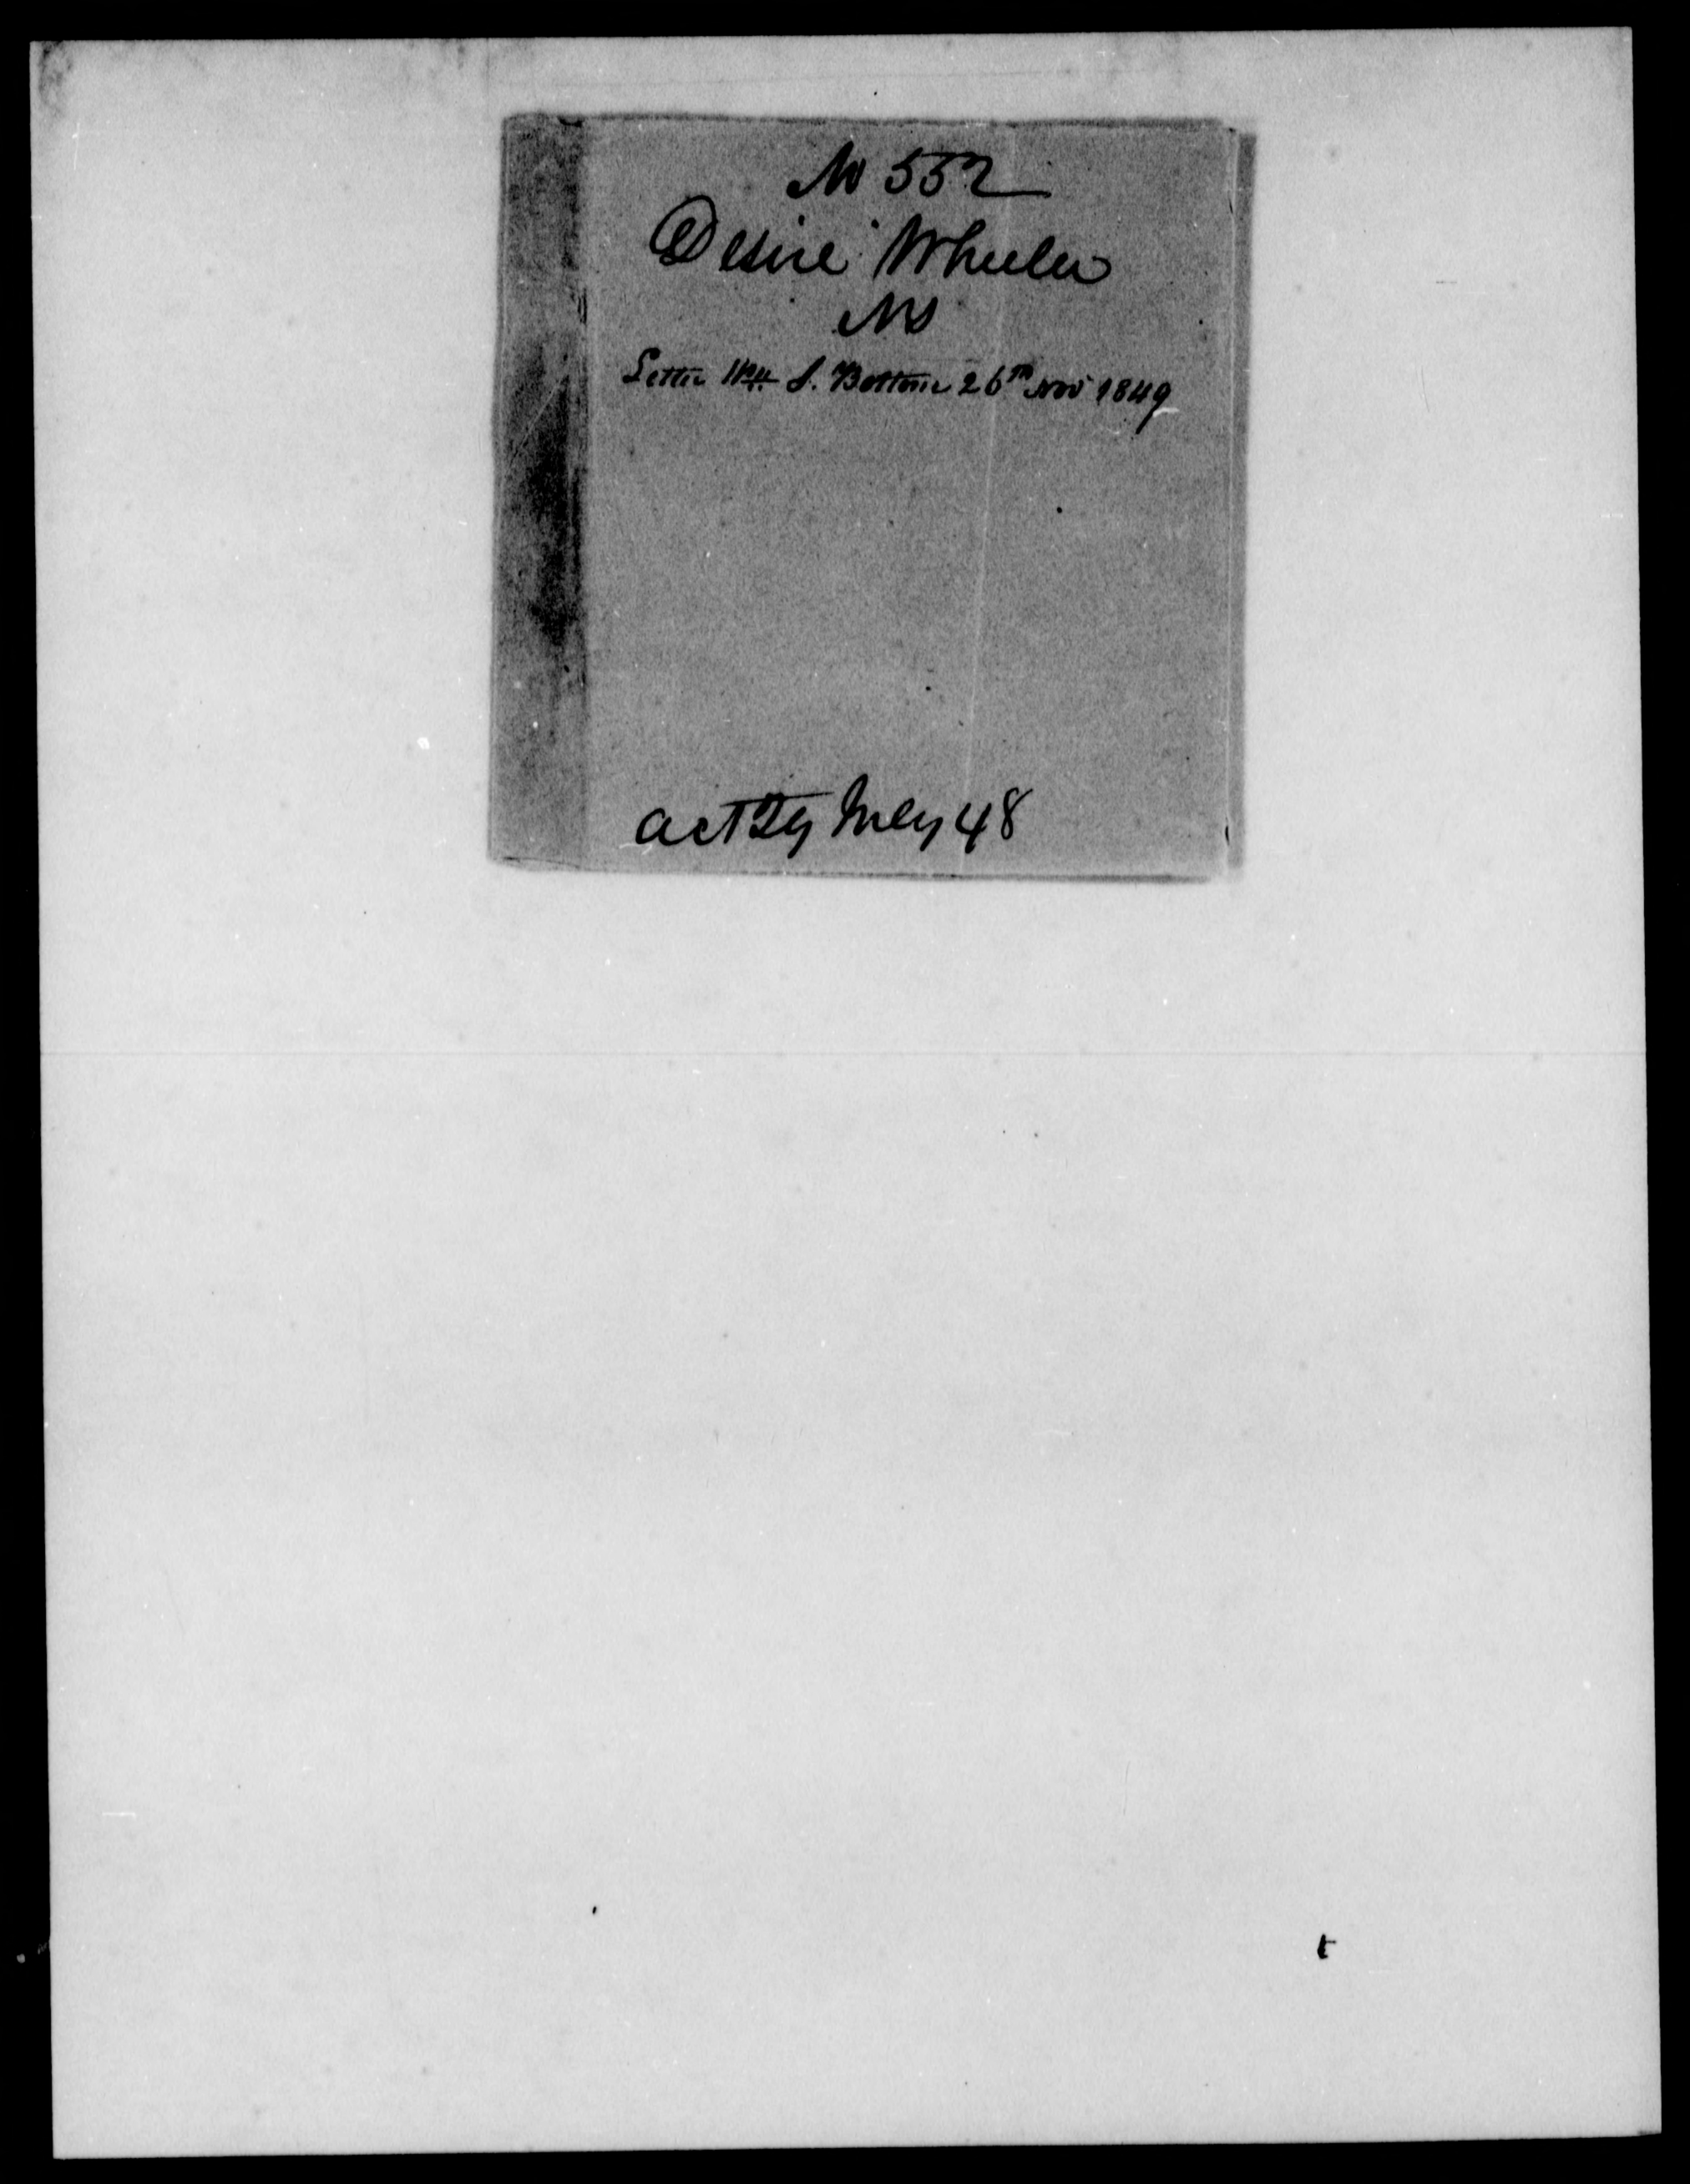No 552
Desire Wheeler
ns
Letter Hon. J. Bottom 26th Nov. 1849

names: Wm J Bottom, Desire Wheeler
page: 33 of 98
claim: widow's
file: W. 1682, Valentine Wheeler, Mass.